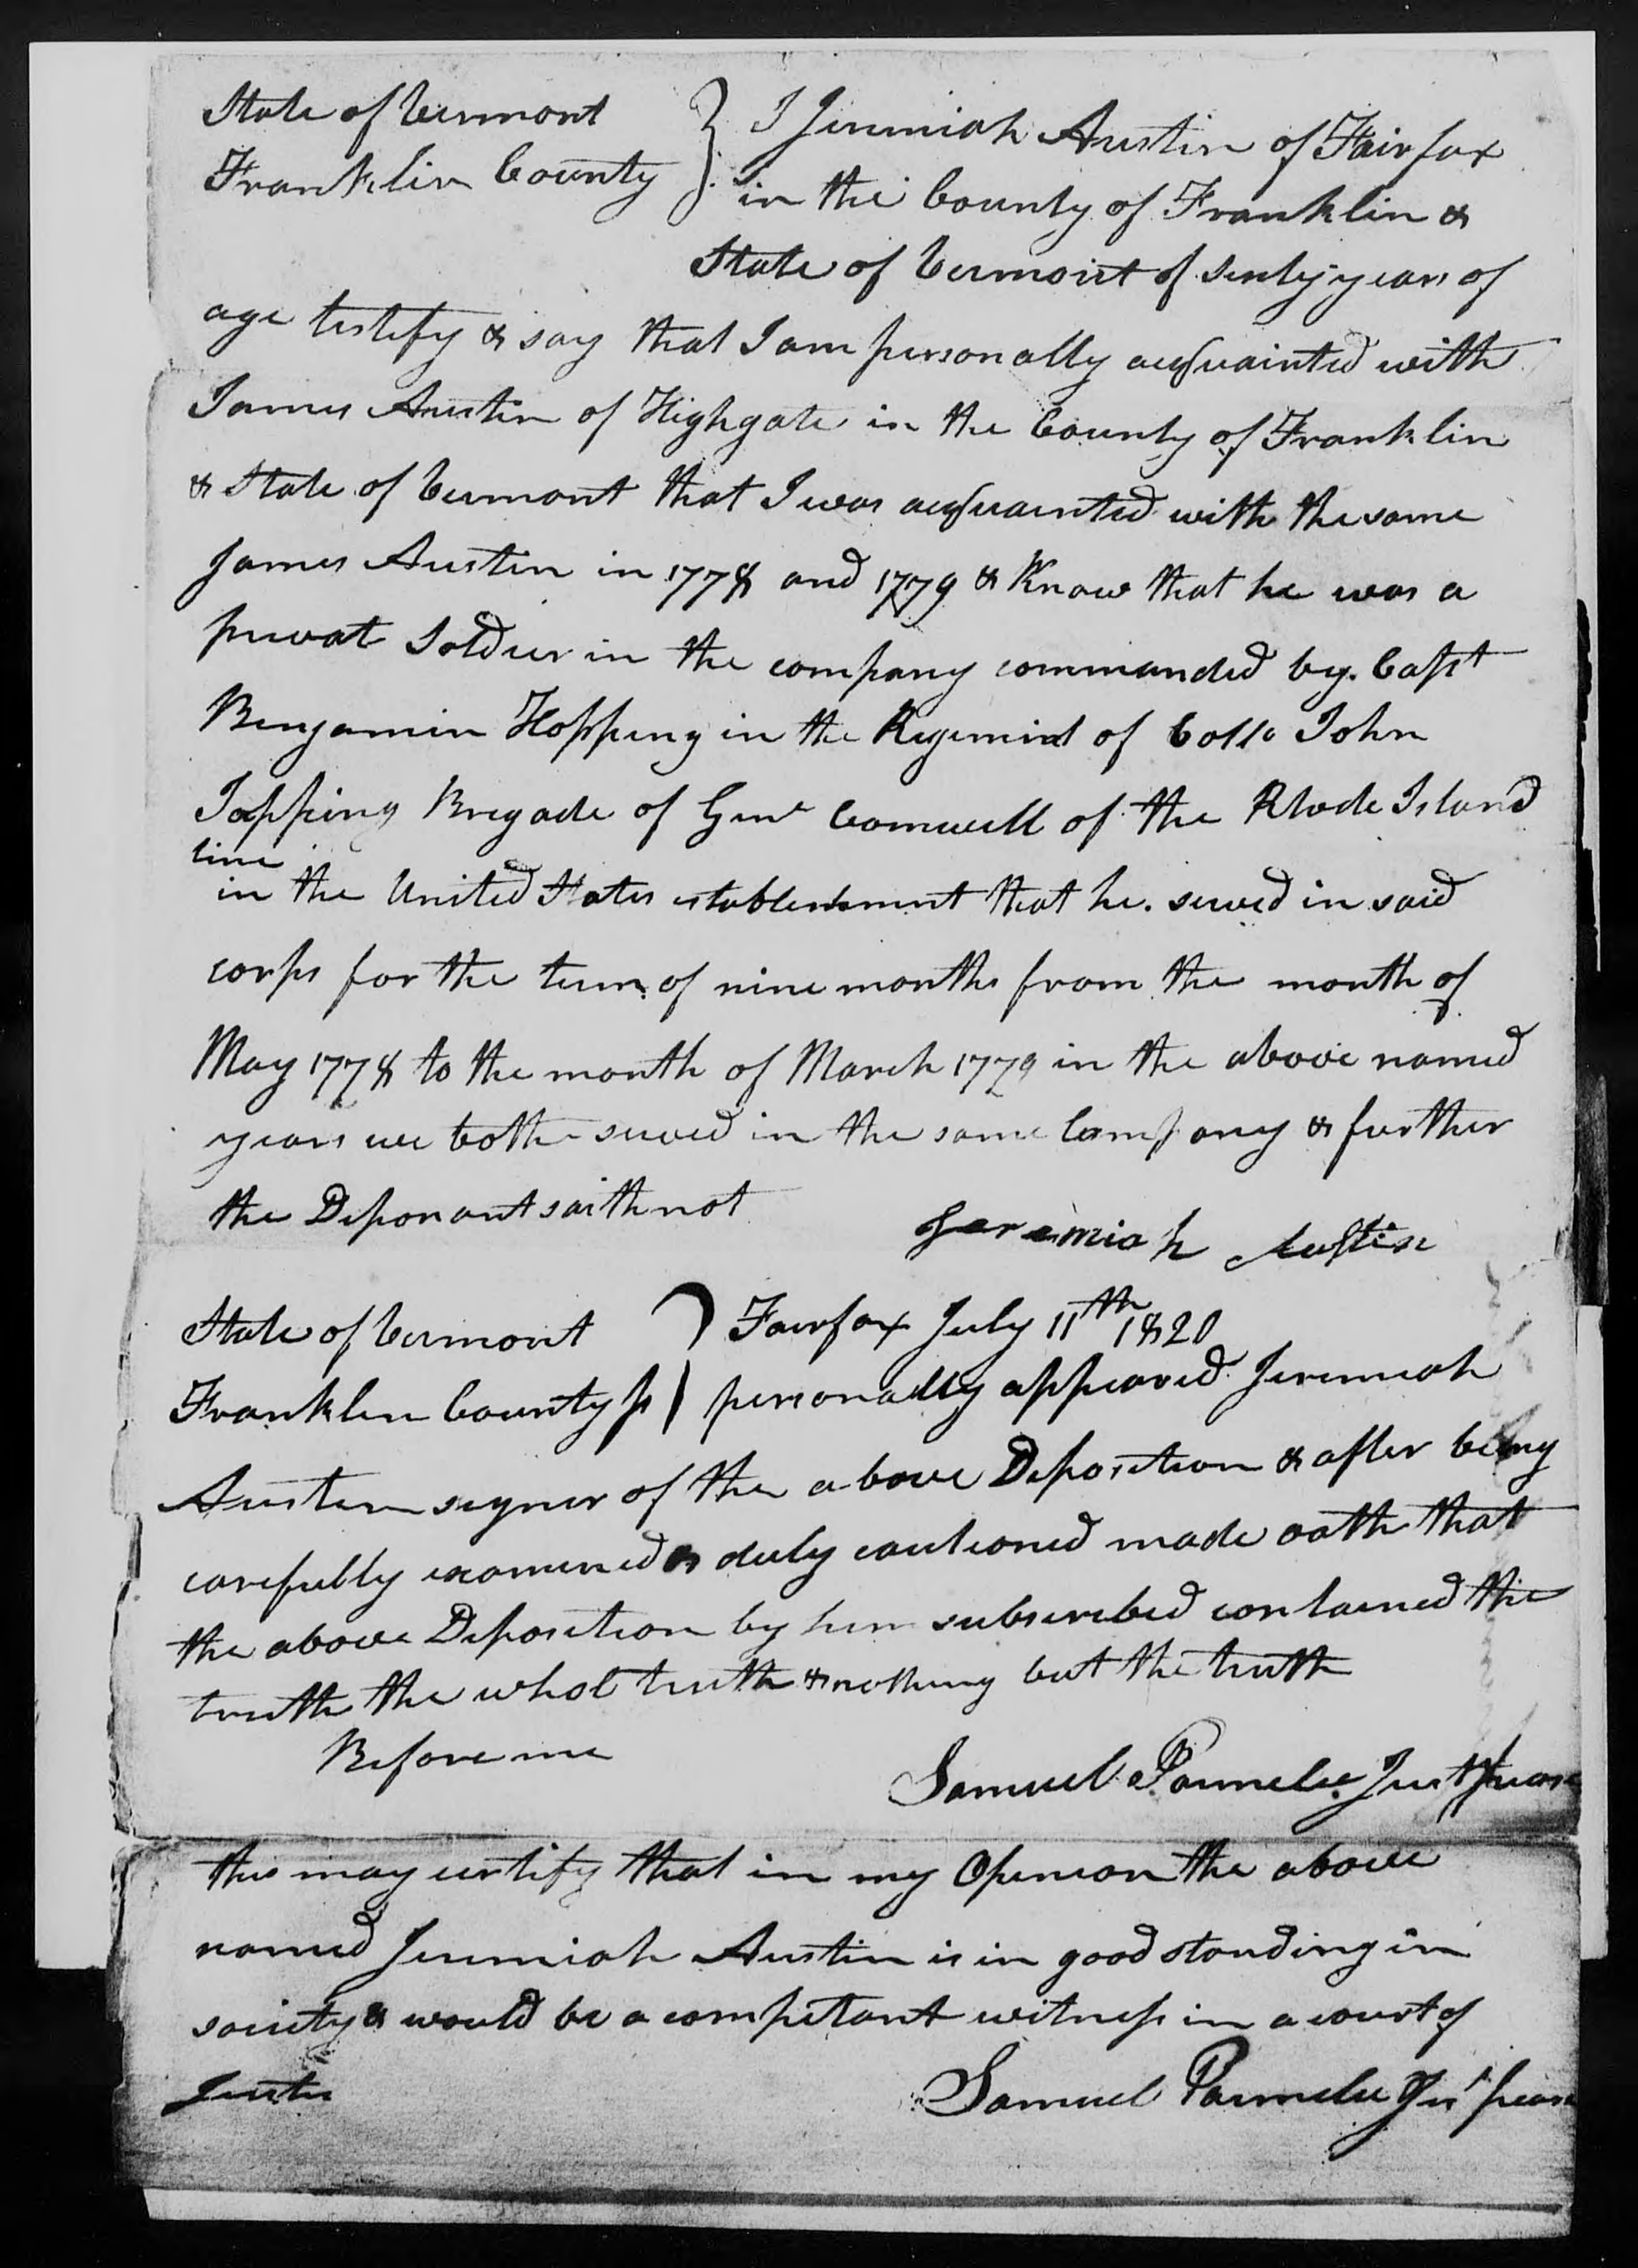State of Vermont  } I Jeremiah Austin of 
Franklin County    } Fairfax in the County of Franklin & State of Vermont of sixty years of age testify & say that I am personally acquainted with James Austin of Highgate in the County of Franklin & State of Vermont that I was acquainted with the same James Austin in 1778 and 1779 & know that he was a private soldier in the company commanded by Capt Benjamin Topping in the Regiment of Col John Topping Brigade of Genl Cromwell of the Rhode Island line in the United States establishment that he served in said corps for the term of nine months from the month of May 1778 to the month of March 1779 in the above named years we both served in the same Company & further the Deponant saith not 
Jeremiah Austin [signature]

State of Vermont   } Fairfax July 11th
Franklin County ss } 1829 personally approved Jeremiah Austin signer of the above Deposition & after being carefully examined & duly cautioned made oath that the above Deposition by him subscribed contained the truth the whole truth & nothing but the truth 
Before me
Samuel Parmelee Justice of Peace

this may certify that in my opinion the above named Jeremiah Austin is in good standing in society & would be a competent witness in a court of justice
Samuel Parmelee Jus' Peace [signature]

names: Jeremiah Austin, Samuel Parmelee, James Austin, Jeremiah Austin, Jeremiah Austin, Benjamin Hopping, James Austin, Jeremiah Austin, Samuel Parmelee, John Topping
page: 70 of 100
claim: survivor's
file: S 19186, James Austin, Conn. New York R.I.